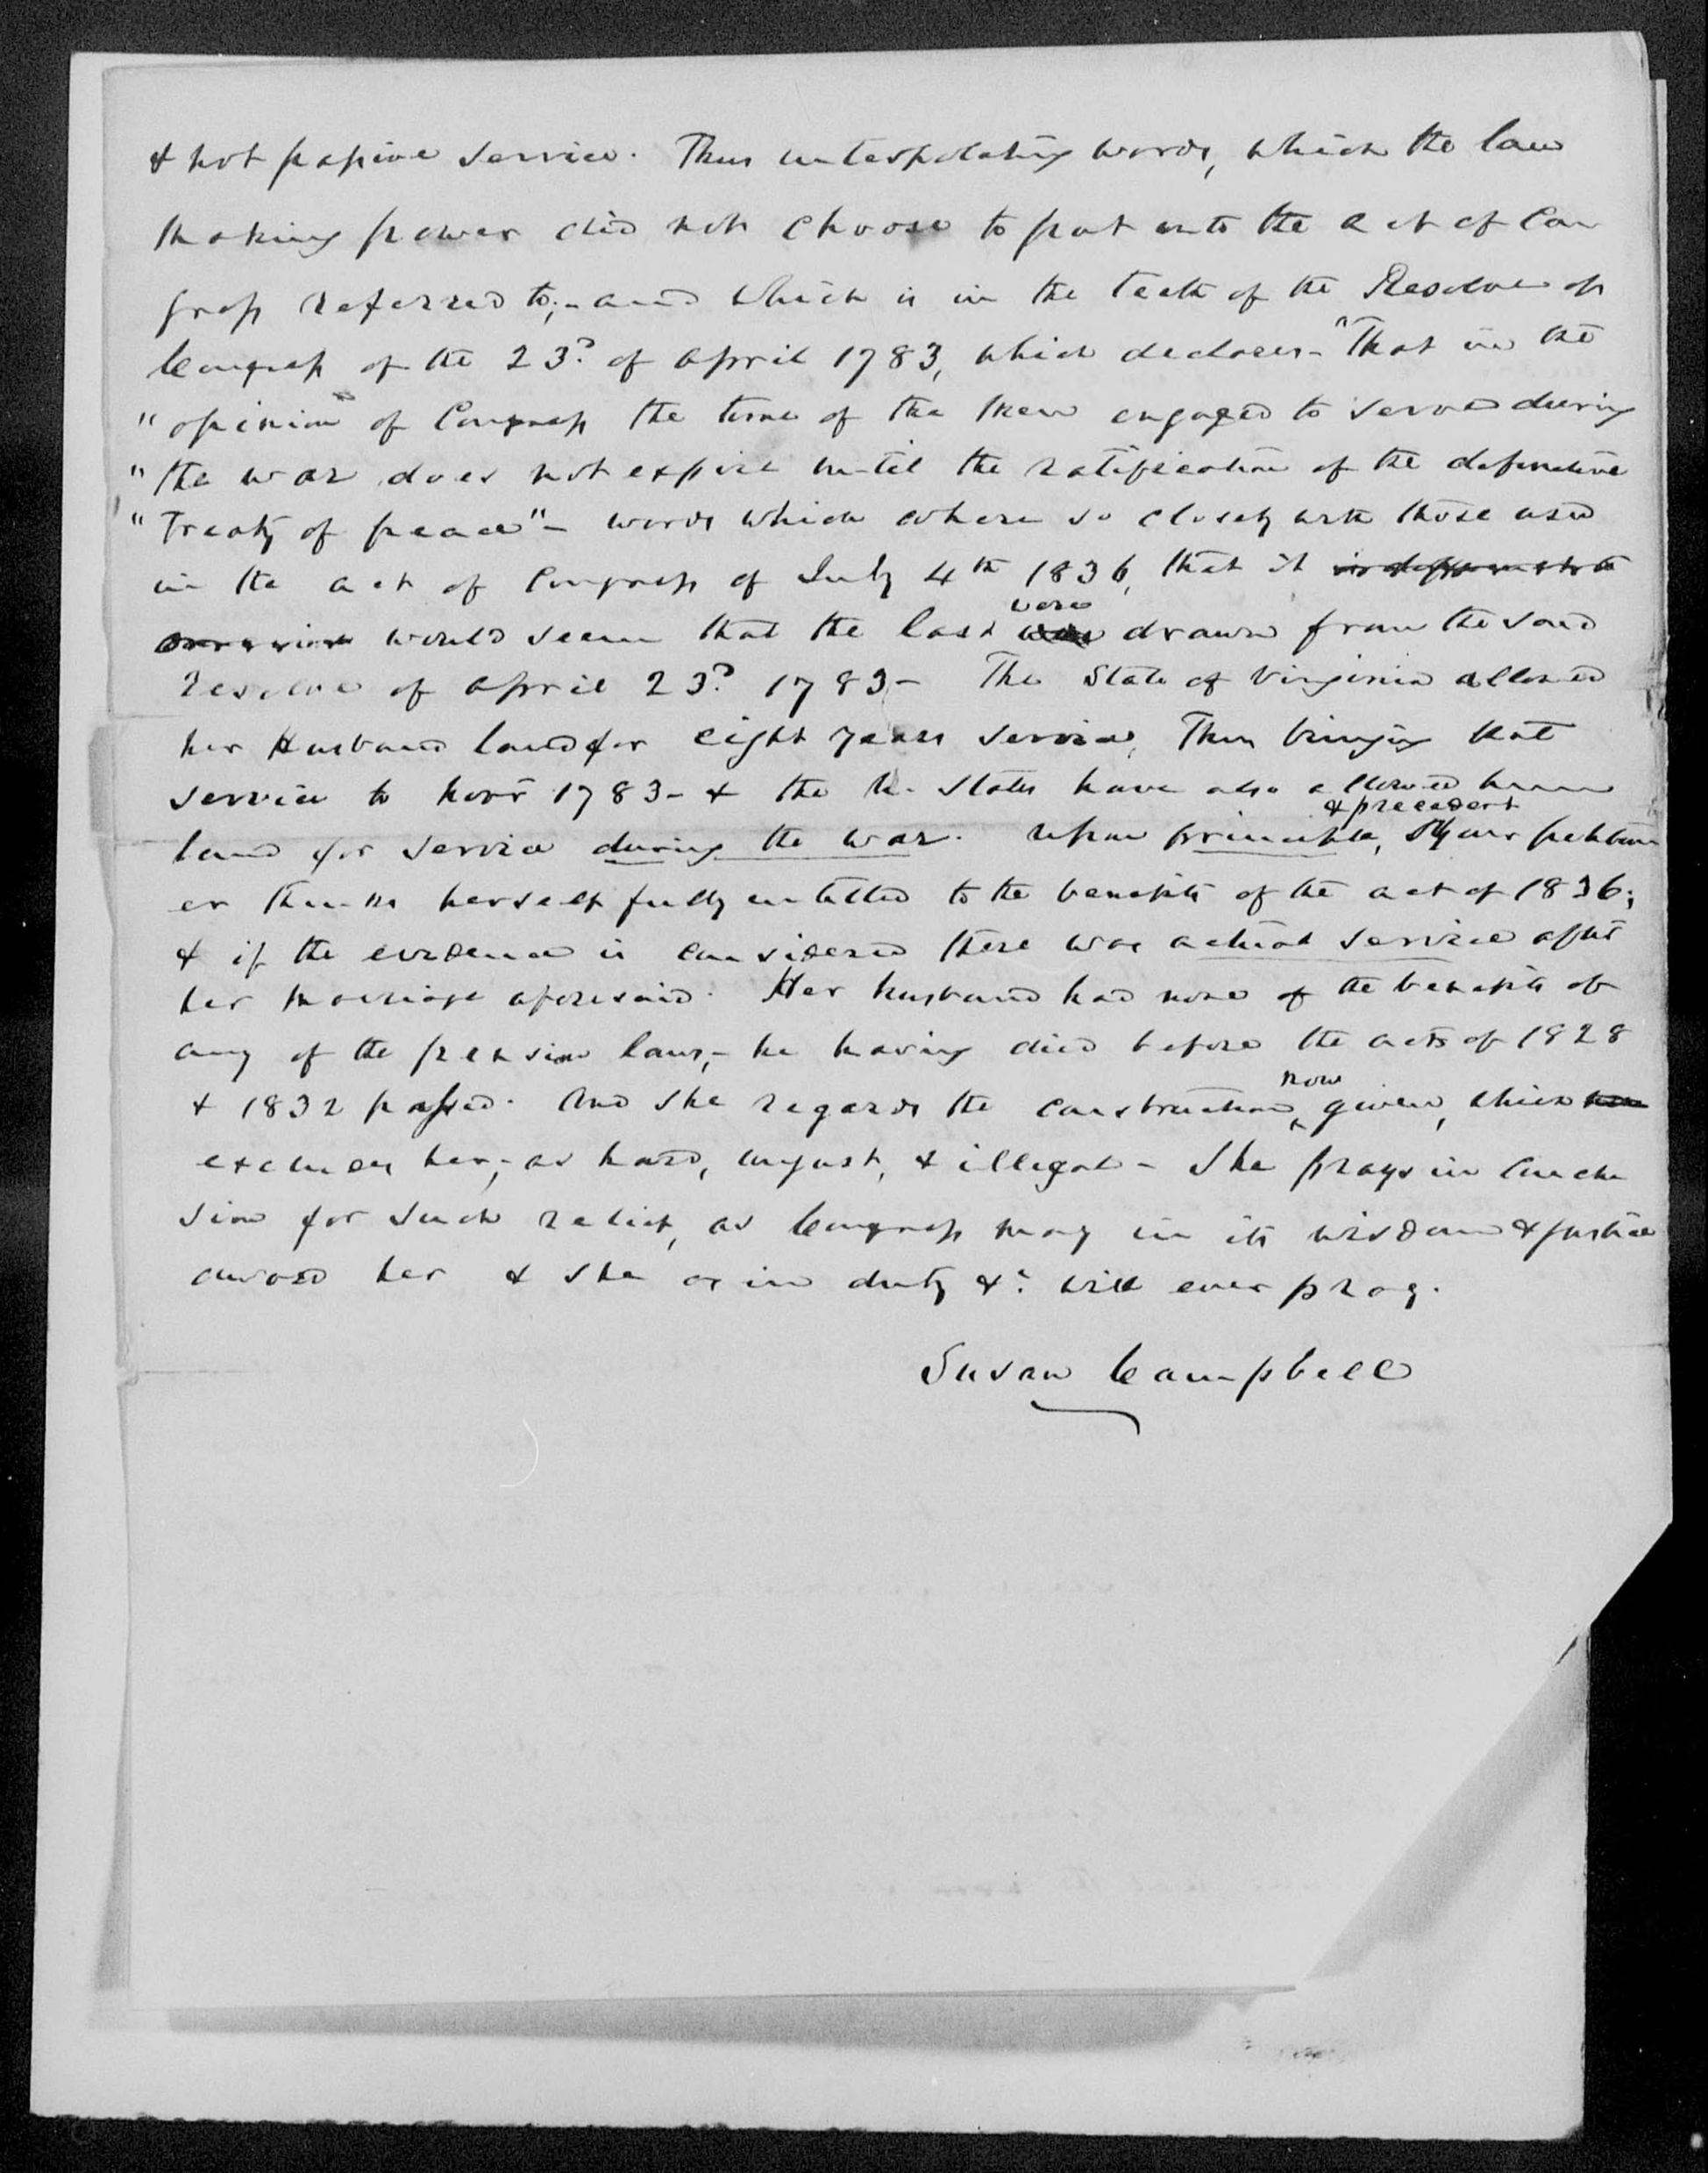& not passive service. This interspeculating error, which the law making power did not choose to put onto the act of Congress referred to;- and which is in the book of the Resolve of Congress of the 23d. of April 1783, which declares - "That in the "opinion" of Congress the time of the [illegible] engaged to service during "the war does not expire until the ratification of the definitive "Treaty of peace"- words which where so clearly writ those [illegible] in the act of Congress of July 4th 1836, that it would seem that the last word drawn from the said Resolve of April 23d. 1783 - The state of Virginia allowed her Husband land for eight years service, Them bringing that service to Novr 1783 - & the U. States have also allowed him land for service during the war. upon principle & precedent, your petitioner thinks herself fully entitled to the benefits of the act of 1836; & if the evidence is considered there was active service after her marriage aforesaid. Her husband had none of the benefits of any of the previous laws, - he having died before the acts of 1828 & 1832 passed. And she regards the construction now given, this excludes her, - as hard, unjust, & illegal - She prays in much [illegible] for such relief, as Congress, pray in its wisdom & justice award her & she or in duty &c. will ever pray.
Susan Campbell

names: Susan Campbell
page: 179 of 267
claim: widow's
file: W. 4,149, William Campbell, Va.